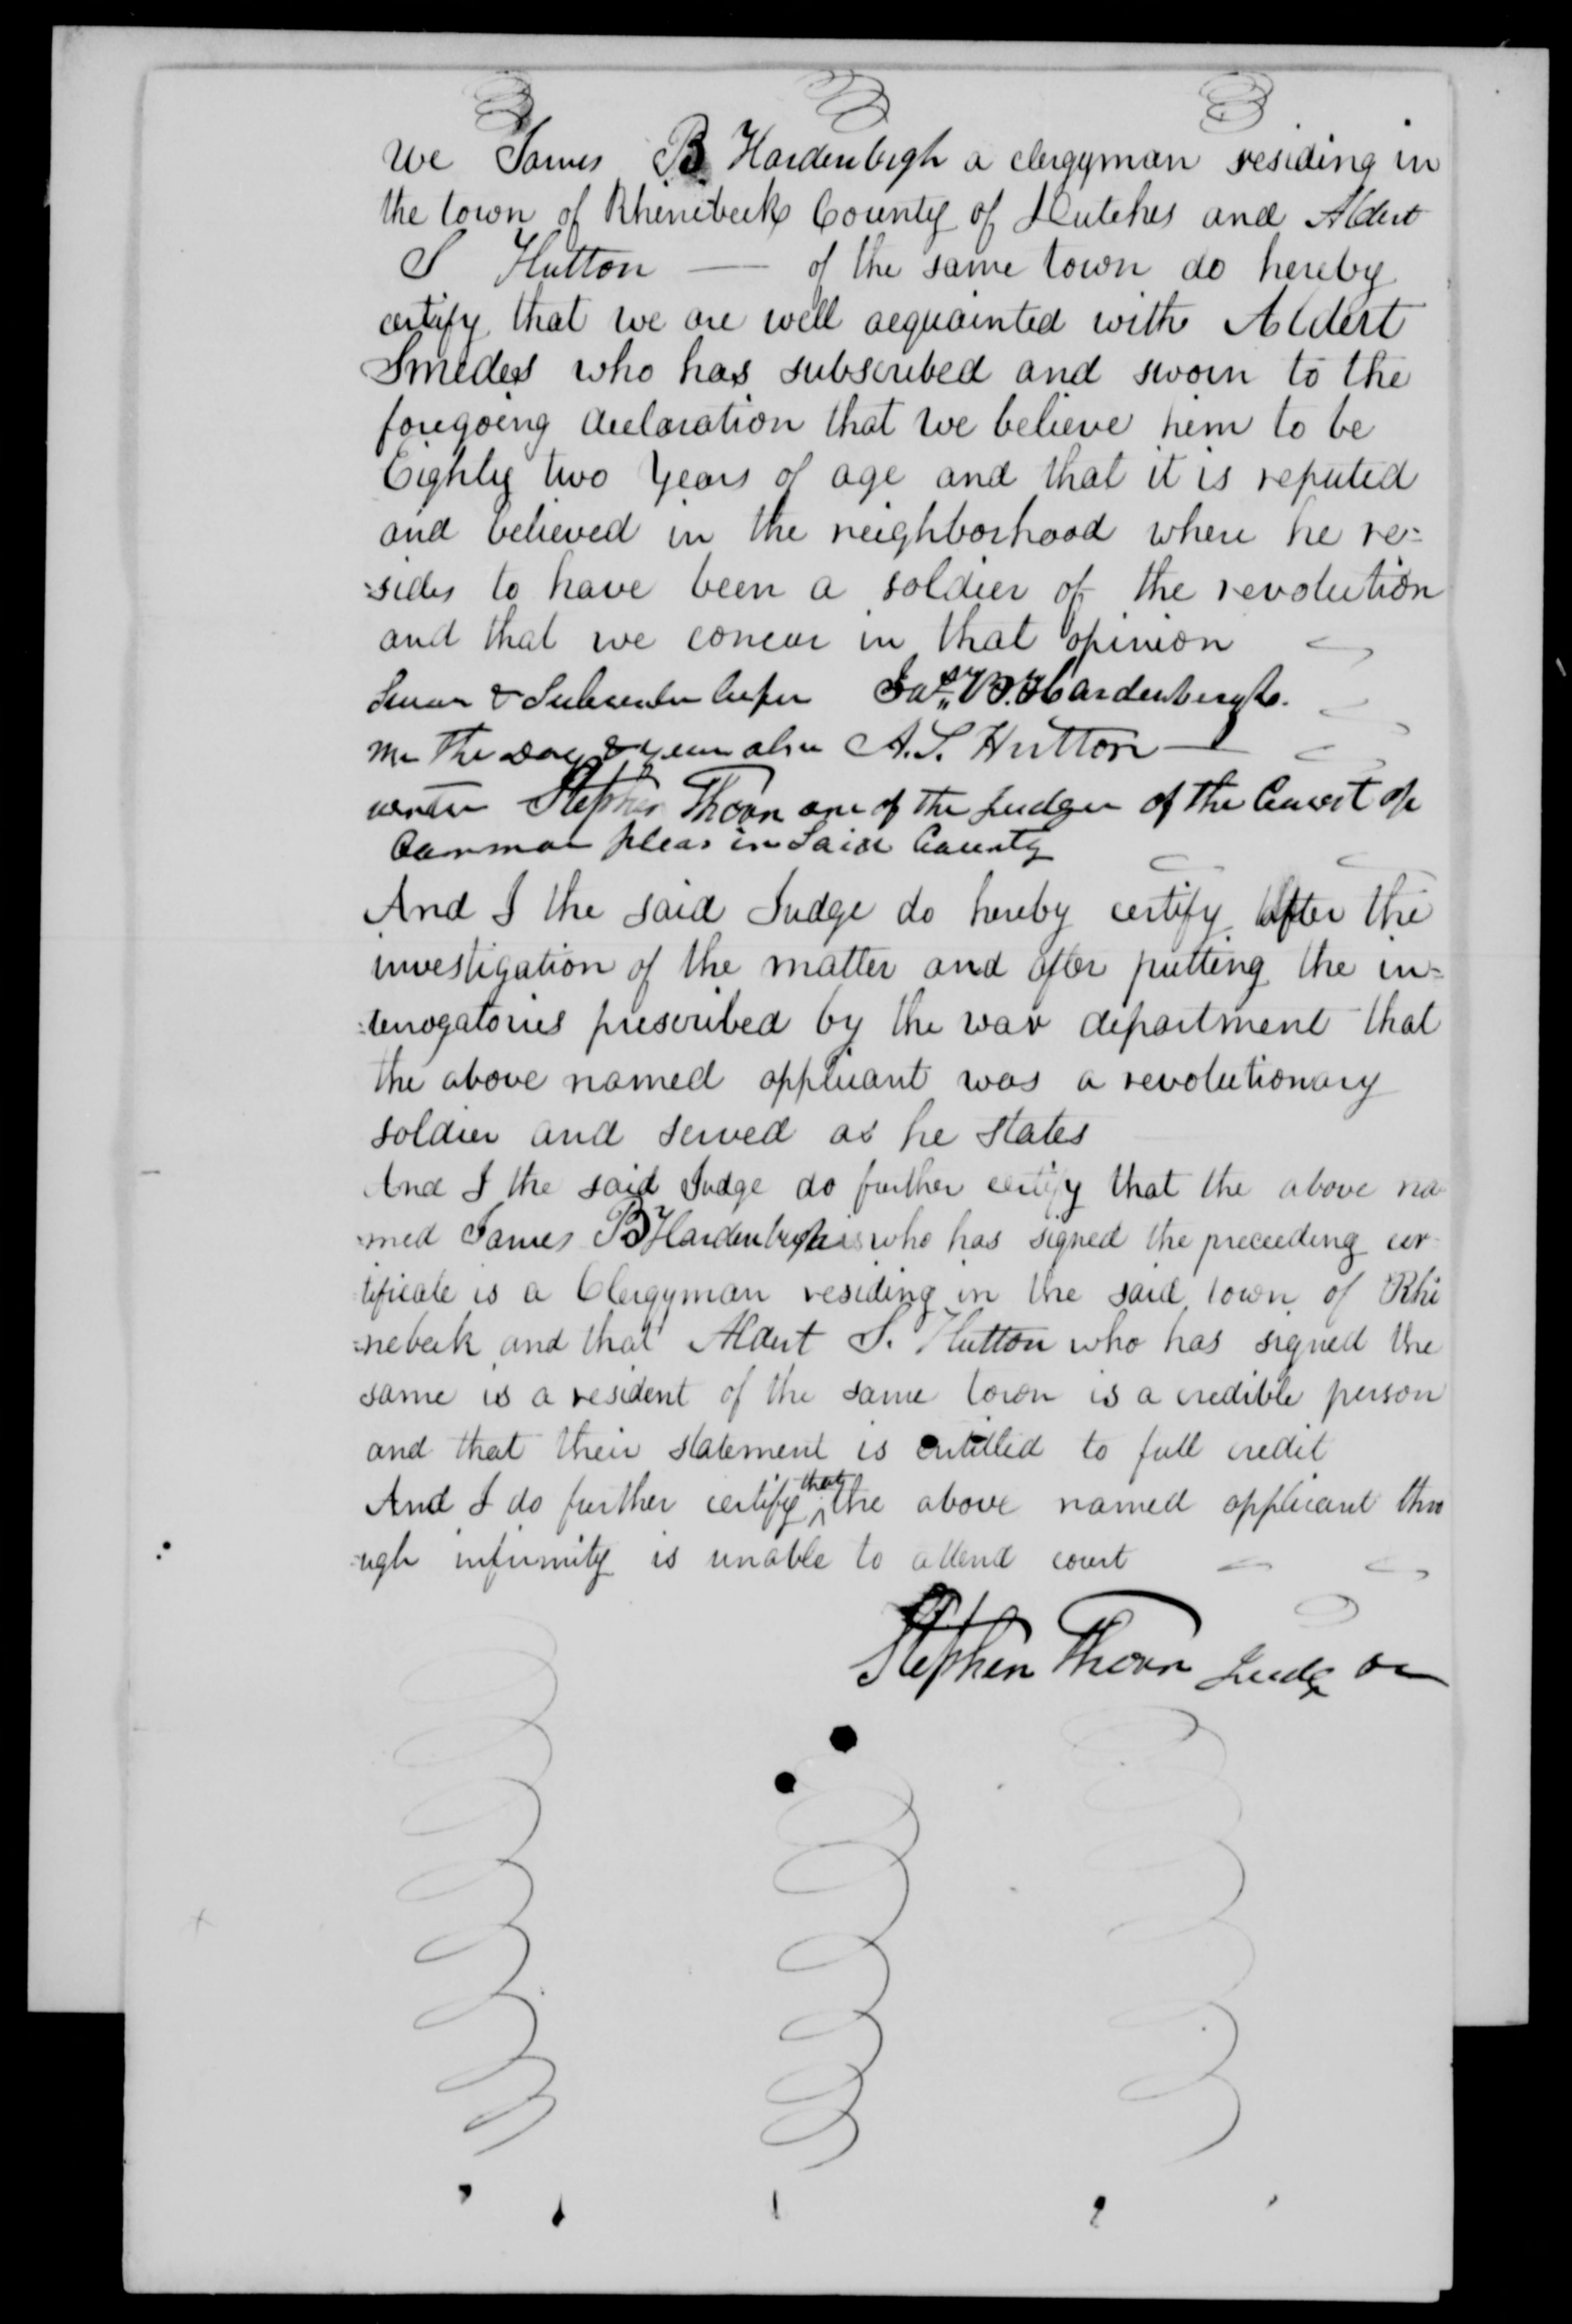We James B. Hardenbergh a clergyman residing in the town of Rhinbeck County of Dutches [Dutchess] and Aldert S. Hutton--of the same town do hereby certify that we are well acquainted with Aldert Smedes who has subscribed and sworn to the foregoing declaration that we believe him to be Eighty two years of age and that it is reputed and believed in the neighborhood where he resides to have been a soldier of the revolution and that we concur in that opinion--
Jas. [James] B. Hardenbergh
A. S. Hutton

Sworn & subscribed before me the Day and Year above written
Stephen Thorn one of the Judges of the Court of Common Pleas in Said County

And I the said Judge do hereby certify after the investigation of the matter and after putting the interrogatories prescribed by the war department that the above named applicant was a revolutionary soldier and served as he states
And I the said Judge do further certify that the above named James B. Hardenbergh who has signed the preceeding [preceding] certificate is a Clergyman residing in the said town of Rhinebeck and that Aldert S. Hutton wh has signed the same is a resident of the same town is a credible person and that their statement is entitled to full credit
And I do further certify that the above named applicant through infirmity is unable to attend court

Stephen Thorn   Judge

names: James B Hardenbergh; Stephen Thorn; Aldert S Hutton; Stephen Thorn; Aldert Smedes; James B Hardenbergh; A S Hutton; Aldert S Hutton; Jas B Hardenbergh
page: 7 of 29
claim: survivor's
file: S. 11415, for Aldert Smedes, New York